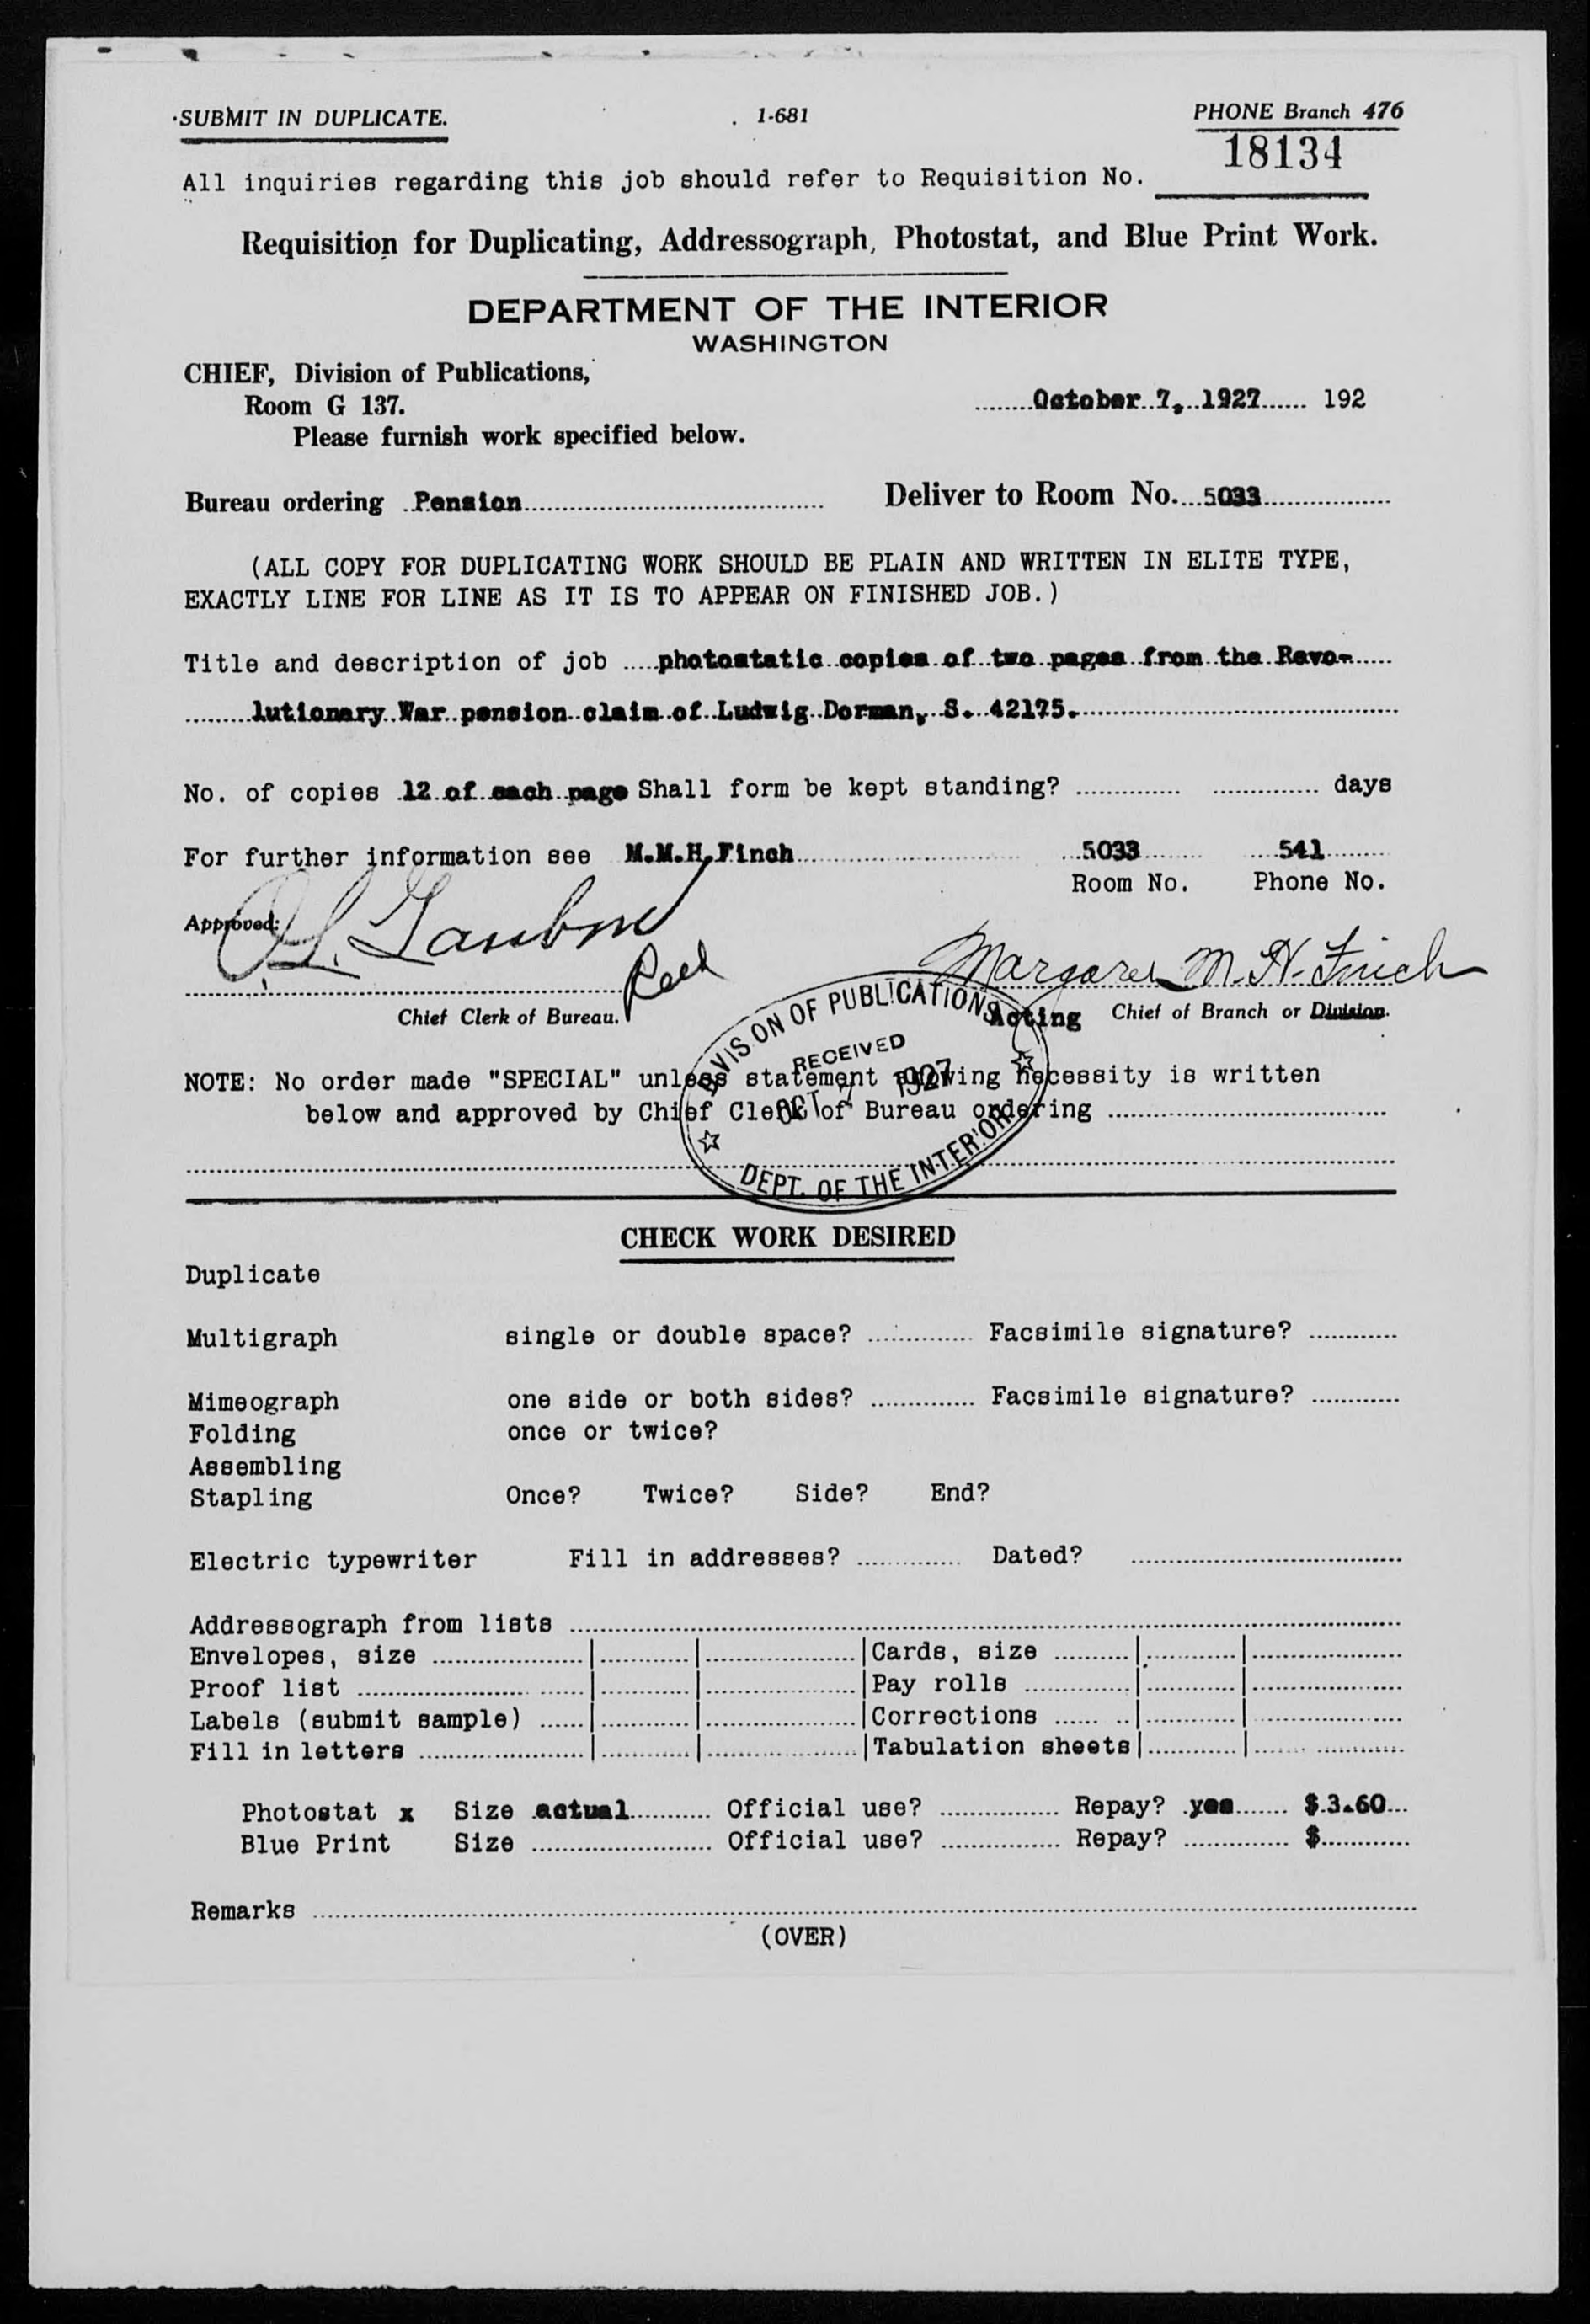Submit in Duplicate
1-681
Phone Branch 476
All inquiries regarding this job should refer to Requisition No. 23429
Requisition for Duplication, Addressograpph, Photostat, and Blue Print Work.
Department of the Interior [illegible initials]
Washington
Chief, Division of Publications, Room G 137.
May 8, 1928....192
Please furnish work specified below.
Bureau ordering..Pensions
Deliver to Room No. 5033
(ALL COPY FOR DUPLICATION WORK SHOULD BE PLAIN AND WRITTEN IN ELITE TYPE, EXACTLY LINE FOR LINE AS IT IS TO APPEAR ON FINISHED JOB.)
Title and description of job..photostatic copes of three pages from the Revolutionary War pension claim of Ludwig Dorman, S. 42175
No. of copies..12 of each page Shall form be kept standing?.....days
For further information see M.M.H. Finch Room No. 5033 Phone No. 541
Approved:
O.L. Gassbond
Chief Clerk Bureau Recd.
Margaret M. H. Finch
Chief of Branch [strike through "or Division]
NOTE: No order made "SPECIAL" unless statement showing necessity is written below and approved by Chief Clerk of Bureau ordering...
CHECK WORK DESIRED
Duplicate
Multigraph single or double space?...Facsimile signature?...
Mimeograph one side or both sides?...Facsimile signature?...
Folder once or twice?
Assembling
Stapling Once? Twice? Side? End?
Electric Typewriter Fill in addresses?..Dated?...
Addressograph from lists..
Envelope, size
Cards, size
Proof list
Pay rolls
Labels (submit sample)
Corrections
Fill in letters
Tabulation sheets
Photostat x Size actual Official use? Repay? yes $3.60
Blue Print Size..Official use?...Repay?...$....
Remarks...
(OVER)
[Seal] DIVISION OF PUBLICATION RECEIVED OCT 7, 1927 DEPT. OF THE INTERIOR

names: Margaret M H Finch, Ludwig Dorman, M M H Finch, O L Laubon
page: 9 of 16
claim: survivor's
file: S. 42,175, Ludwig Dorman, Penn.